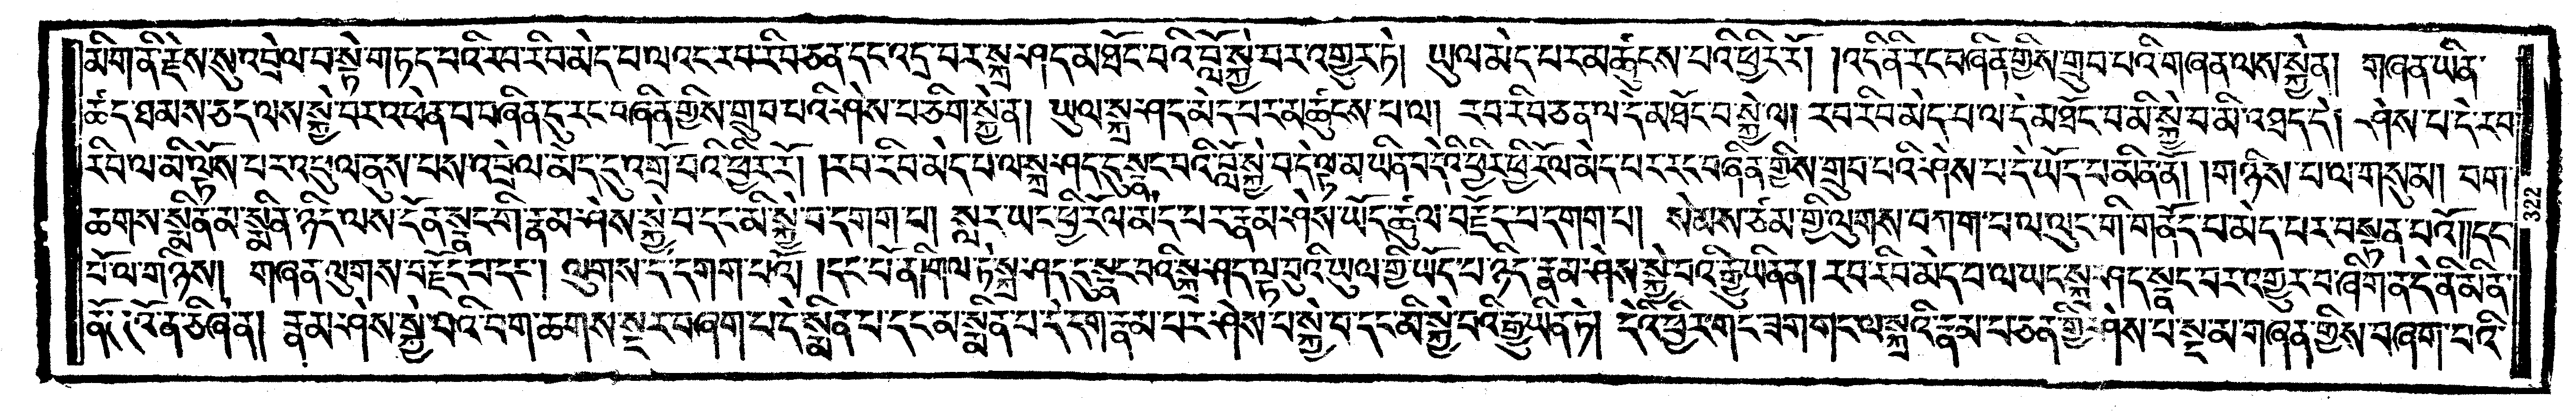མིག་ནི་རྗེས་སུ་འབྲེལ་བ་སྟེ་གཏད་པའི་རབ་རིབ་མེད་པ་ལའང་རབ་རིབ་ཅན་དང་འདྲ་བར་སྐྲ་ཤད་མཐོང་བའི་བློ་སྐྱེ་བར་འགྱུར་ཏེ། ཡུལ་མེད་པར་མཚུངས་པའི་ཕྱིར་རོ། །འདི་ནི་རང་བཞིན་གྱིས་གྲུབ་པའི་གཞན་ལས་སྐྱེ་ན། གཞན་ཡིན་
ཚད་ཐམས་ཅད་ལས་སྐྱེ་བར་འཕེན་པ་བཞིན་དུ་རང་བཞིན་གྱིས་གྲུབ་པའི་ཤེས་པ་ཅིག་སྐྱེ་ན། ཡུལ་སྐྲ་ཤད་མེད་པར་མཚུངས་པ་ལ། རབ་རིབ་ཅན་ལ་དེ་མཐོང་བ་སྐྱེ་ལ། རབ་རིབ་མེད་པ་ལ་དེ་མཐོང་བ་མི་སྐྱེ་བ་མི་འཐད་དེ། ཤེས་པ་དེ་རབ་
རིབ་ལ་མི་ལྟོས་པར་འཕུལ་ནུས་པས་འབྲེལ་མེད་དུ་འགྲོ་བའི་ཕྱིར་རོ། །རབ་རིབ་མེད་པ་ལ་སྒྲ་ཤད་དུ་སྣང་བའི་བློ་སྐྱེ་བ་དེ་ལྟ་མ་ཡིན་པ་དེའི་ཕྱིར་ཕྱི་རོལ་མེད་པར་རང་བཞིན་གྱིས་གྲུབ་པའི་ཤེས་པ་དེ་ཡོད་པ་མིན་ནོ། །གཉིས་པ་ལ་གསུམ། བག་
ཆགས་སྨིན་མ་སྨིན་ཉིད་ལས་དོན་སྣང་གི་རྣམ་ཤེས་སྐྱེ་བ་དང་མི་སྐྱེ་བ་དགག་པ། སླར་ཡང་ཕྱི་རོལ་མེད་པར་རྣམ་ཤེས་ཡོད་ཚུལ་བརྗོད་པ་དགག་པ། སེམས་ཙམ་གྱི་ལུགས་བཀག་པ་ལ་ལུང་གི་གནོད་པ་མེད་པར་བསྟན་པའོ། །དང་
པོ་ལ་གཉིས། གཞན་ལུགས་བརྗོད་པ་དང་། ལུགས་དེ་དགག་པའོ། །དང་པོ་ནི། གལ་ཏེ་སྐྲ་ཤད་དུ་སྣང་བའི་སྐྲ་ཤད་ལྟ་བུའི་ཡུལ་གྱི་ཡོད་པ་ཉིད་རྣམ་ཤེས་སྐྱེ་བའི་རྒྱུ་ཡིན་ན། རབ་རིབ་མེད་པ་ལ་ཡང་སྐྲ་ཤད་སྣང་བར་འགྱུར་བ་ཞིག་ན་དེ་ནི་མིན་
ནོ༑ ༑འོ་ན་ཅི་ཞེ་ན། རྣམ་ཤེས་སྐྱེ་བའི་བག་ཆགས་སྔར་བཞག་པ་དེ་སྨིན་པ་དང་མ་སྨིན་པ་དེ་དག་རྣམ་པར་ཤེས་པ་སྐྱེ་བ་དང་མི་སྐྱེ་བའི་རྒྱུ་ཡིན་ཏེ། དེའི་ཕྱིར་གང་ཟག་གང་ལ་སྐྲའི་རྣམ་པ་ཅན་གྱི་ཤེས་པ་སྔ་མ་གཞན་གྱིས་བཞག་པའི་